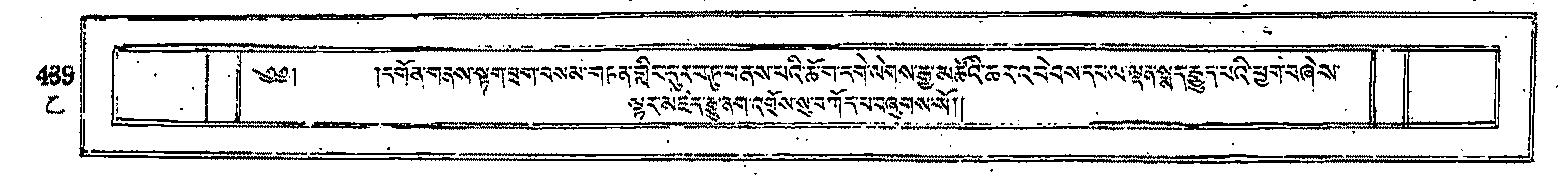༄༅། །དགོན་གནས་སྟག་བྲག་བསམ་གཏན་གླིང་དུ་རབ་ཏུ་གནས་པའི་ཆོ་ག་དགེ་ལེགས་རྒྱ་མཚོའི་ཆར་འབེབས་དཔལ་ལྡན་སྨད་རྒྱུད་པའི་ཕྱག་བཞེས་
ལྟར་མཛད་རྒྱུ་ནག་འགྲོས་སུ་བཀོད་པ་བཞུགས་སོ།།